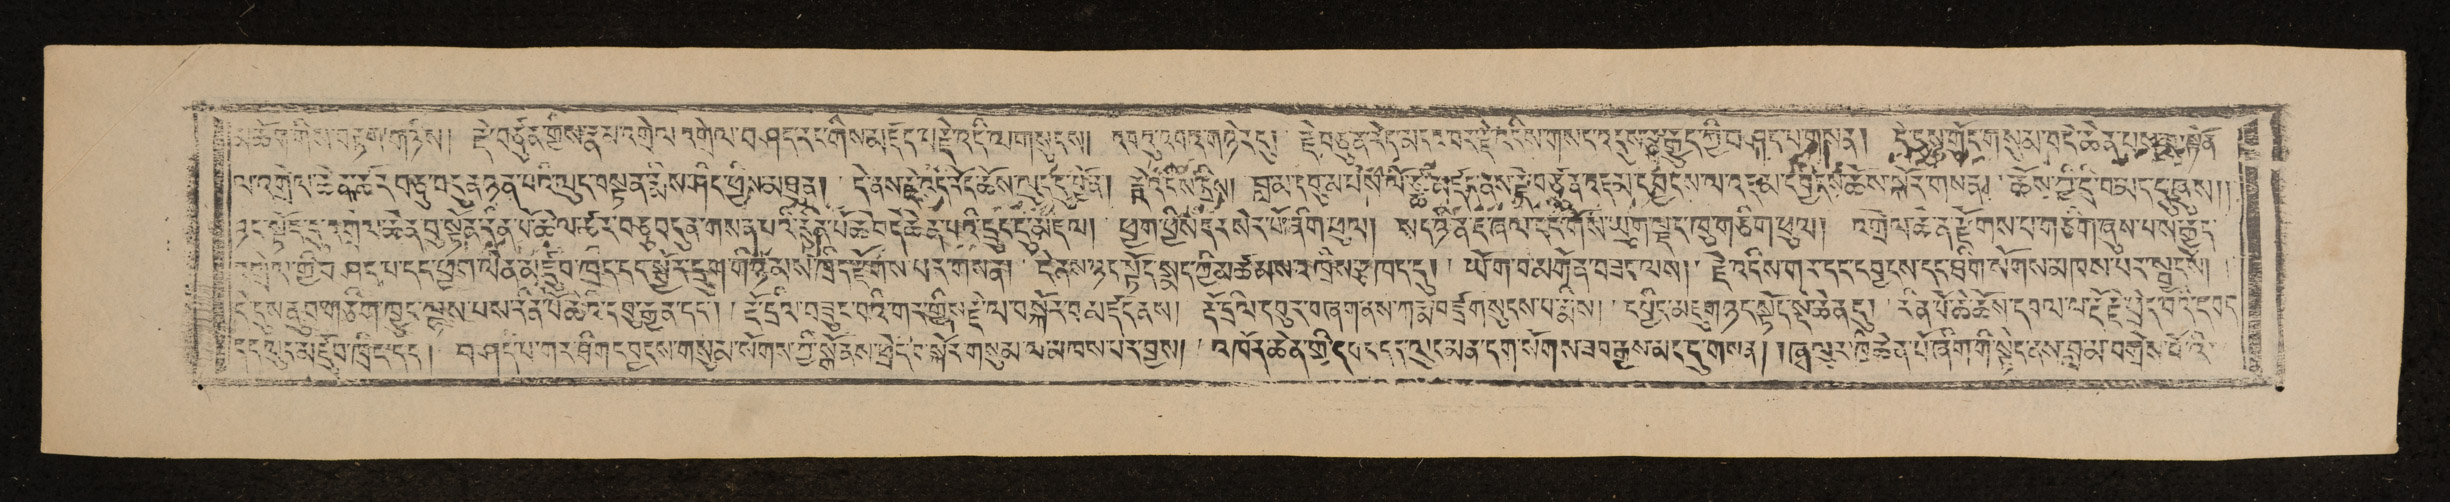མཆོག་གིས་བརྟག་གཉིས། རྗེ་བཙུན་གྱིས་རྣམ་འགྲེལ་འགྲེལ་བཤད་རང་གིས་མཛད་པ་རྗེ་འདི་ལ་གསུངས། འབའུ་འབའ་གཉེར་དུ། རྗེ་བཙུན་རེད་མདའ་བར་རྗེ་འདིས་གསང་འདུས་རྩ་རྒྱུད་ཀྱི་བཤད་པ་གསན། དེ་དུས་གོང་གསུམ་བདེ་ཆེན་པས་བུ་སྟོན་
ལ་འགྲེལ་ཆེན་ཚར་བཅུ་བདུན་ཉན་བའི་ལུང་བསྟན་རྨིས་ཤིང་ཕྱིས་མཐུན། དེ་ནས་རྗེ་འདི་རོང་ཆོས་ལུང་དུ་བྱོན། རྗེ་འདིས་དྲིས། བླ་མ་དབུ་མ་པས་ལོ་ཙཚ་མཛད་ནས་རྗེ་བཙུན་འཇམ་དབྱངས་ལ་འཇམ་དབྱངས་ཆོས་སྐོར་གསན། ཆོས་ཀྱི་དྲི་བ་མང་དུ་ཞུས།
ཉང་སྟོང་དུ་འགྲེལ་ཆེན་བུ་སྟོན་རིན་པོ་ཆེ་ལ་ཚར་བཅུ་བདུན་གསན་པའི་རིན་པོ་ཆེ་བདེ་ཆེན་པའི་དྲུང་དུ་མཇལ། ཕྱག་ཕྱིས་དར་སེར་པོ་ཞིག་ཕུལ། སང་ཉིན་ཇ་ཞལ་དང་གོས་ཡུག་ལྗང་ཁུ་གཅིག་ཕུལ། འགྲེལ་ཆེན་རྫོགས་པ་གཅིག་ཞུས་པས་རྒྱུད་
འགྲེལ་གྱི་བཤད་པ་དང་ཕྱག་ལེན་མཛུབ་ཁྲིད་དང་སྦྱོར་དྲུག་གི་ཉམས་ཁྲིད་རྫོགས་པར་གསན། དེ་ནས་ཉང་སྟོད་སྨད་ཀྱི་མཚམས་འཁྲིས་རྩ་ཁང་དུ། ཡོག་པ་མགོན་བཟང་ལས། རྗེ་འདིས་གར་དང་དབྱངས་དང་ཐིག་སོགས་མཁས་པར་སྦྱངས།
དེ་དུས་ནུབ་གཅིག་ཁྱུང་ལྷས་པས་རིན་པོ་ཆེའི་དབུ་རྒྱན་དང་། རྡོ་དྲིལ་བཟུང་བའི་གར་གྱིས་རྗེ་ལ་བསྐོར་བ་མཛད་ནས། རྡོ་དྲིལ་དབུར་བཞག་ནས་ཀརྨ་བཛྲ་གསུངས་པ་རྨིས། དཔྱིད་མཇུག་ཉང་སྟོད་སྡེ་ཆེན་དུ། རིན་པོ་ཆེ་ཆོས་དཔལ་ལ་རྡོ་རྗེ་ཕྲེང་བའི་དབང་
དང་ལུང་མཛུབ་ཁྲིད་དང་། བཤད་པ་གར་ཐིག་དབྱངས་གསུམ་སོགས་ཀྱི་སྒོ་ནས་ཕྲེང་བ་སྐོར་གསུམ་ལ་མཁས་པར་བྱས། འཁོར་ཆེན་གྱི་དབང་དང་ལུང་མན་ངག་སོགས་ཟབ་རྒྱས་མང་དུ་གསན། ཞྭ་ལུར་ཁྲི་ཆེན་པོ་ཞིག་གི་སྟེང་ནས་བླ་མ་བགྲེས་པོའི་